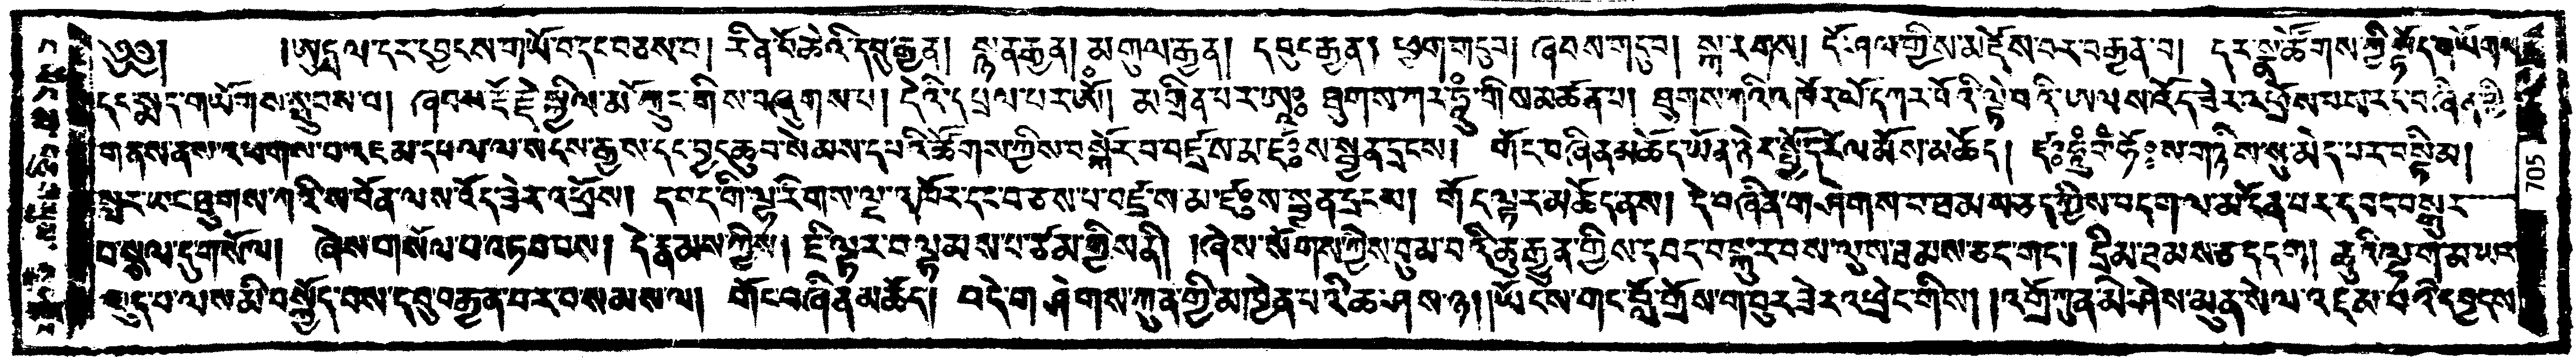༄༅། །ཨུཏྤལ་དར་དབྱངས་གཡོ་བ་དང་བཅས་པ། རིན་བོ་ཆེའི་དབུ་རྒྱན། སྙན་རྒྱན། མགུལ་རྒྱན། དབུང་རྒྱན། ཕྱག་གདུབ། ཞབས་གདུབ། སྐ་རགས། དོ་ཤལ་གྱིས་མཛེས་བར་བརྒྱན་བ། དར་སྣ་ཚོགས་ཀྱི་སྟོང་གཡོགས་
དང་སྨད་གཡོག་ས་ཀླུབས་བ། ཞབས་རྡོ་རྗེ་སྐྱིལ་མོ་ཀྲུང་གིས་བཞུགས་པ། དེའི་དཔྲལ་བར་ཨོཾ། མགྲིན་པར་ཨཱཿ ཐུགས་ཀར་ཧཱུཾ་གིས་མཚན་པ། ཐུགས་ཀའི་འཁོར་པོ་དཀར་པོའི་ལྟེ་བའི་ཨལ་ས་འོད་ཟེར་འཕྲེས་བས་རང་བཞིན་གྱི་
གནས་ནས་འཕགས་པ་འཇམ་དཔལ་ལ་སངས་རྒྱས་དང་བྱང་ཆུབ་སེམས་དཔའི་ཚོགས་ཀྱིས་བསྐོར་བ་བཛྲ་ས་མ་ཛཿ ས་སྦྱན་དྲངས། གོང་བཞིན་མཆོད་ཡོད་ཉེར་སྤྱོད་རོལ་མོས་མཆོད། ཛཿ ཧཱུཾ་བཾ་ཧོཿ ས་གཉིས་སུ་མེད་པར་བསྟིམ།
སླར་ཡང་ཐུགས་ཀའི་ས་བོན་ལས་འོད་ཟེར་འཕྲོས། དབང་གི་ལྷ་རིགས་ལྔ་འཁོར་དང་བཅས་པ་བཛྲ་ས་མ་ཛཿ སྦྱན་དྲངས། གོང་ལྟར་མཆོད་ནས། དེ་བཞིན་གཤེགས་པ་ཐམས་ཅད་ཀྱིས་བདག་ལ་མངོན་པར་དབང་བསྐུར་
བ་སྩལ་དུ་གསོལ། ཞེས་གསོལ་བ་བཏབ་པས། དེ་རྣམས་ཀྱིས། ཇི་ལྟར་བ་ལྟམས་པ་ཙམ་གྱིས་ནི། །ཞེས་སོགས་ཀྱིས་བུམ་པའི་ཆུ་རྒྱུན་གྱིས་དབང་བསྐུར་བས་ལུས་ཐམས་ཅད་གང་། དྲི་མ་ཐམས་ཅད་དག། ཆུའི་ལྷག་མ་ཡར་
ལུད་པ་ལས་མི་བསྐྱོད་པས་དབུ་བརྒྱན་པར་བསམས་ལ། གོང་བཞིན་མཆོང་། བདེ་གཤེགས་ཀུན་གྱི་མཁྱེན་པའི་ཆ་ཤས་ཉ། །ཡོངས་གང་བློ་གྲོས་ག་བུར་ཟེར་འཕྲེང་གིས། །འགྲོ་ཀུན་མི་ཤེས་མུན་སེལ་འཇམ་པའི་དབྱངས་